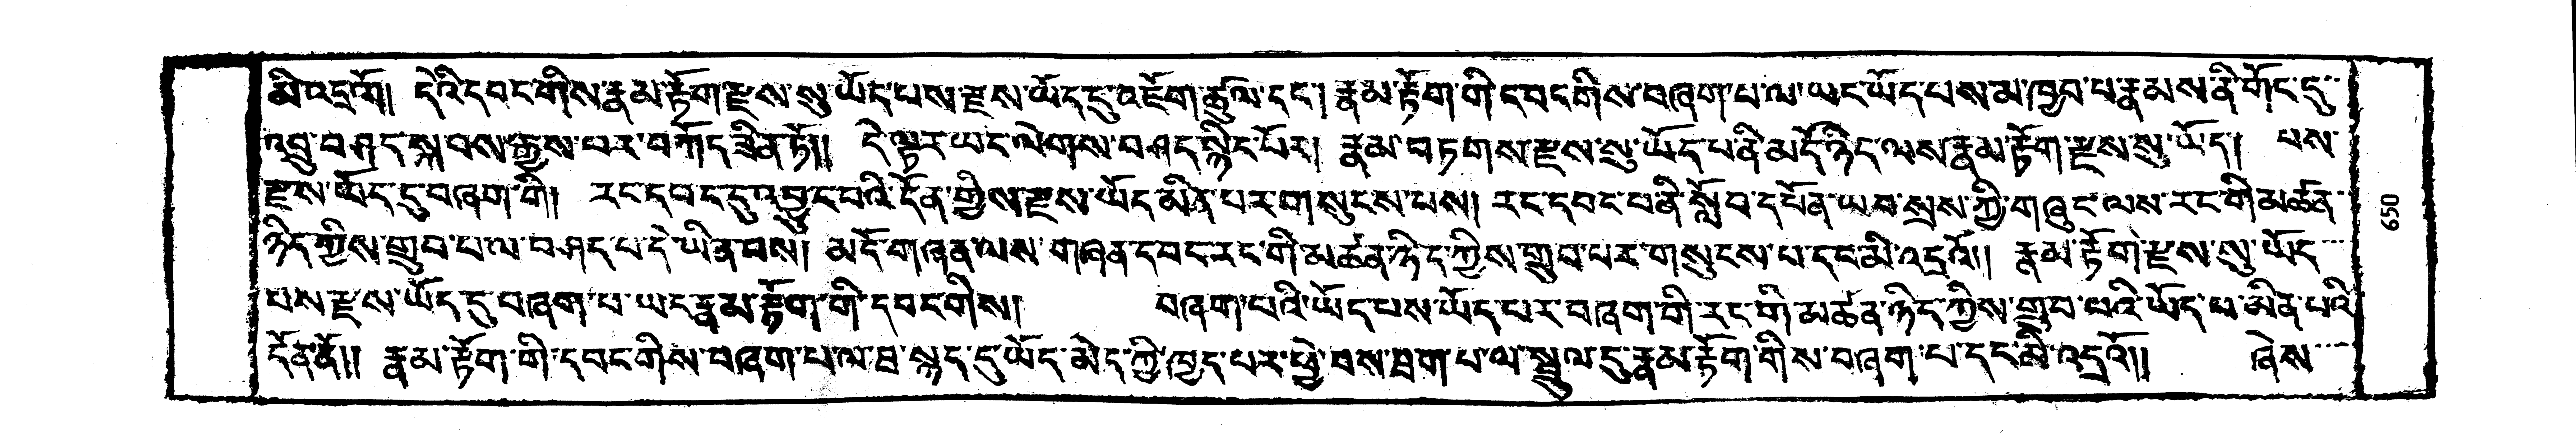མི་འདྲའོ།། དེའི་དབང་གིས་རྣམ་རྟོག་རྫས་སུ་ཡོད་པས་རྫས་ཡོད་དུ་འཇོག་ཚུལ་དང་། རྣམ་རྟོག་གི་དབང་གིས་བཞག་པ་ལ་ཡང་ཡོད་པས་མ་ཁྱབ་པ་རྣམས་ནི་གོང་དུ་
འབྲུ་བཤད་སྐབས་རྒྱས་པར་བཀོད་ཟིན་ཏོ།། དེ་ལྟར་ཡང་ལེགས་བཤད་སྙིང་པོར། རྣམ་བཏགས་རྫས་སུ་ཡོད་པ་ནི་མདོ་ཉིད་ལས་རྣམ་རྟོག་རྫས་སུ་ཡོད། པས་
རྫས་ཡོད་དུ་བཞག་གི། རང་དབང་དུ་འབྱུང་བའི་དོན་གྱིས་རྫས་ཡོད་མིན་པར་གསུངས་པས། རང་དབང་བ་ནི་སློབ་དཔོན་ཡབ་སྲས་ཀྱི་གཞུང་ལས་རང་གི་མཚན་
ཉིད་ཀྱིས་གྲུབ་པ་ལ་བཤད་པ་དེ་ཡིན་པས། མདོ་གཞན་ལས་གཞན་དབང་རང་གི་མཚན་ཉིད་ཀྱིས་གྲུབ་པར་གསུངས་པ་དང་མི་འདྲའོ།། རྣམ་རྟོག་རྫས་སུ་ཡོད་
པས་རྫས་ཡོད་དུ་བཞག་པ་ཡང་རྣམ་རྟོག་གི་དབང་གིས། བཞག་པའི་ཡོད་པས་ཡོད་པར་བཞག་གི་རང་གི་མཚན་ཉིད་ཀྱིས་གྲུབ་པའི་ཡོད་པ་མིན་པའི་
དོན་ནོ།། རྣམ་རྟོག་གི་དབང་གིས་བཞག་པ་ལ་ཐ་སྙད་དུ་ཡོད་མེད་ཀྱི་ཁྱད་པར་ཕྱེ་བས་ཐག་པ་ལ་སྤྲུལ་དུ་རྣམ་རྟོག་གིས་བཞག་པ་དང་མི་འདྲའོ།། ཞེས་